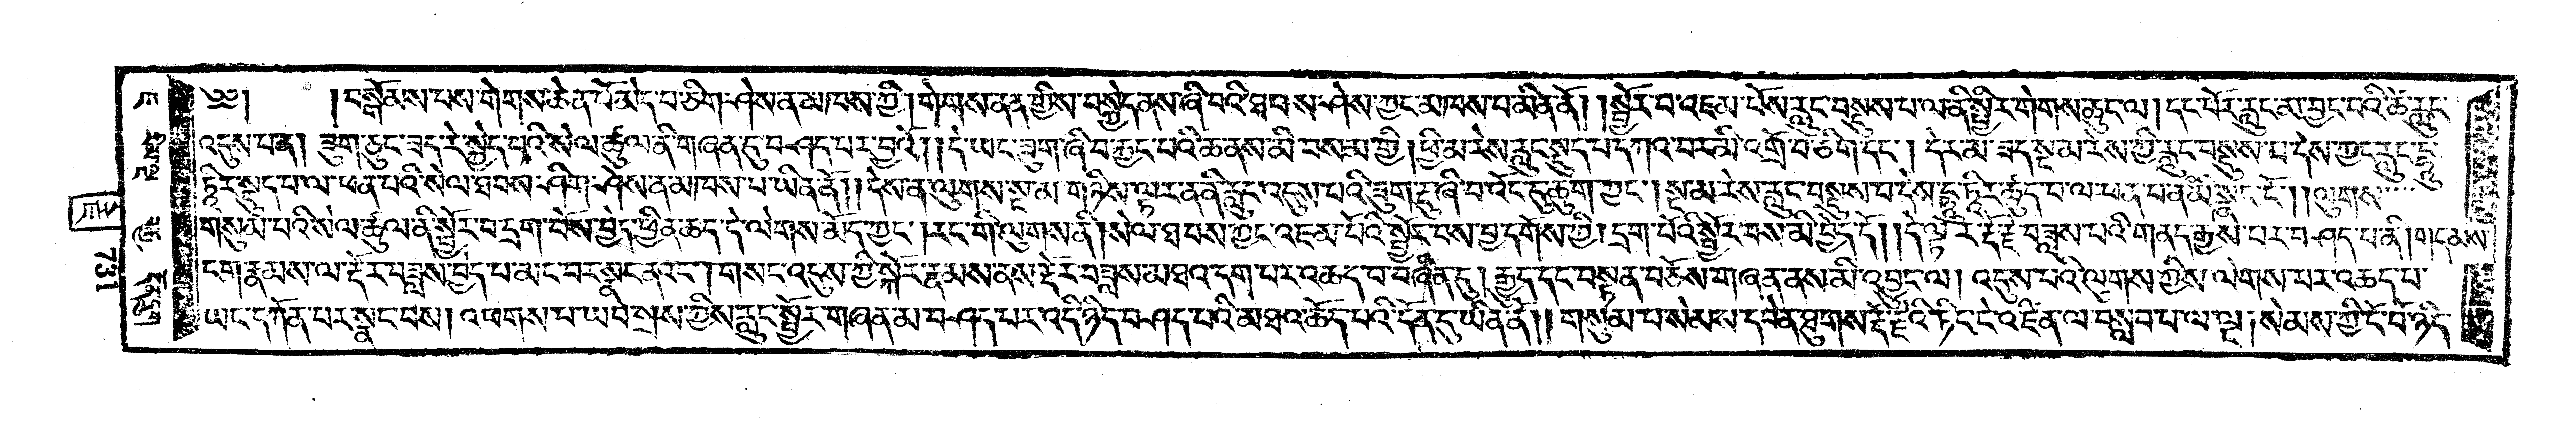༄༅། །བསྒོམས་པས་གེགས་ཆེན་པོ་མེད་པ་ཅིག་ཤེས་ན་མཁས་ཀྱི། གེགས་ནན་གྱིས་བསྐྱེད་ནས་ཞི་བའི་ཐབས་ཤེས་ཀྱང་མཁས་པ་མིན་ནོ། །སྦྱོར་བ་འཇམ་པོས་རླུང་བསྡུས་པ་ལ་ནི་སྤྱིར་གེགས་ཆུང་ལ། དང་པོར་རླུང་མ་བྱང་བའི་ཚེ་རླུང་
འདུས་པ་ན། ཟུག་ཅུང་ཟད་རེ་སྐྱེད་པའི་སེལ་ཚུལ་ནི་གཞན་དུ་བཤད་པར་བྱའོ། །དེ་ཡང་ཟུག་ཞི་བ་རྐྱང་བའི་ཆ་ནས་མི་བསམ་གྱི། ཕྱི་མ་རེས་རླུང་སྡུད་པ་དཀའ་བར་མི་འགྲོ་བ་ཅིག་དང་། དེར་མ་ཟད་སྔ་མ་རེས་ཀྱི་རླུང་བསྡུས་པ་དེས་ཀྱང་རླུང་དྷཱུ་
ཏཱིར་སྡུད་པ་ལ་ཕན་པའི་སེལ་ཐབས་ཤིག་ཤེས་ན་མཁས་པ་ཡིན་ནོ། །དེས་ན་ལུགས་སྔ་མ་གཉིས་ལྟར་ན་ནི་རླུང་འདུས་པའི་ཟུག་རྡུ་ཞི་བ་འོང་དུ་ཆུག་ཀྱང་། སྔ་མ་རེས་རླུང་བསྡུས་པ་དེས་དྷཱུ་ཏཱིར་ཚུད་པ་ལ་ཕན་པ་ནི་མི་སྣང་ངོ། །ལུགས་
གསུམ་པའི་སེལ་ཚུལ་ནི་སྦྱོར་བ་དྲག་པོས་བྱེད་ཕྱིན་ཆད་དེ་ལེགས་མོད་ཀྱང་། རང་གི་ལུགས་ནི། སེལ་ཐབས་ཀྱང་འཇམ་པོའི་སྦྱོར་བས་བྱ་དགོས་ཀྱི། དྲག་པོའི་སྦྱོར་བས་མི་བྱེད་དོ། །དེ་ལྟར་རྡོ་རྗེ་བཟླས་པའི་གནད་རྒྱས་པར་བཤད་པ་ནི། གདམས་
ངག་རྣམས་ལ་རྡོར་བཟླས་བྱེད་པ་མང་བར་སྣང་ནའང་། གསང་འདུས་ཀྱི་སྐོར་རྣམས་ནས་རྡོར་བཟླས་མཐའ་དག་པར་འཆད་པ་བཞིན་དུ། རྒྱུད་དང་བསྟན་བཅོས་གཞན་ནས་མི་འབྱུང་ལ། འདུས་པའི་ལུགས་ཀྱིས་ལེགས་པར་འཆད་པ་
ཡང་དཀོན་པར་སྣང་བས། འཕགས་པ་ཡབ་སྲས་ཀྱིས་རླུང་སྦྱོར་གཞན་མ་བཤད་པར་འདི་ཉིད་བཤད་པའི་མཐའ་ཆོད་པའི་དོན་དུ་ཡིན་ནོ། །གསུམ་པ་སེམས་དབེན་ཐུགས་རྡོ་རྗེའི་ཏིང་ངེ་འཛིན་ལ་བསླབ་པ་ལ་ལྔ། སེམས་ཀྱི་ངོ་བོ་ཉིད་